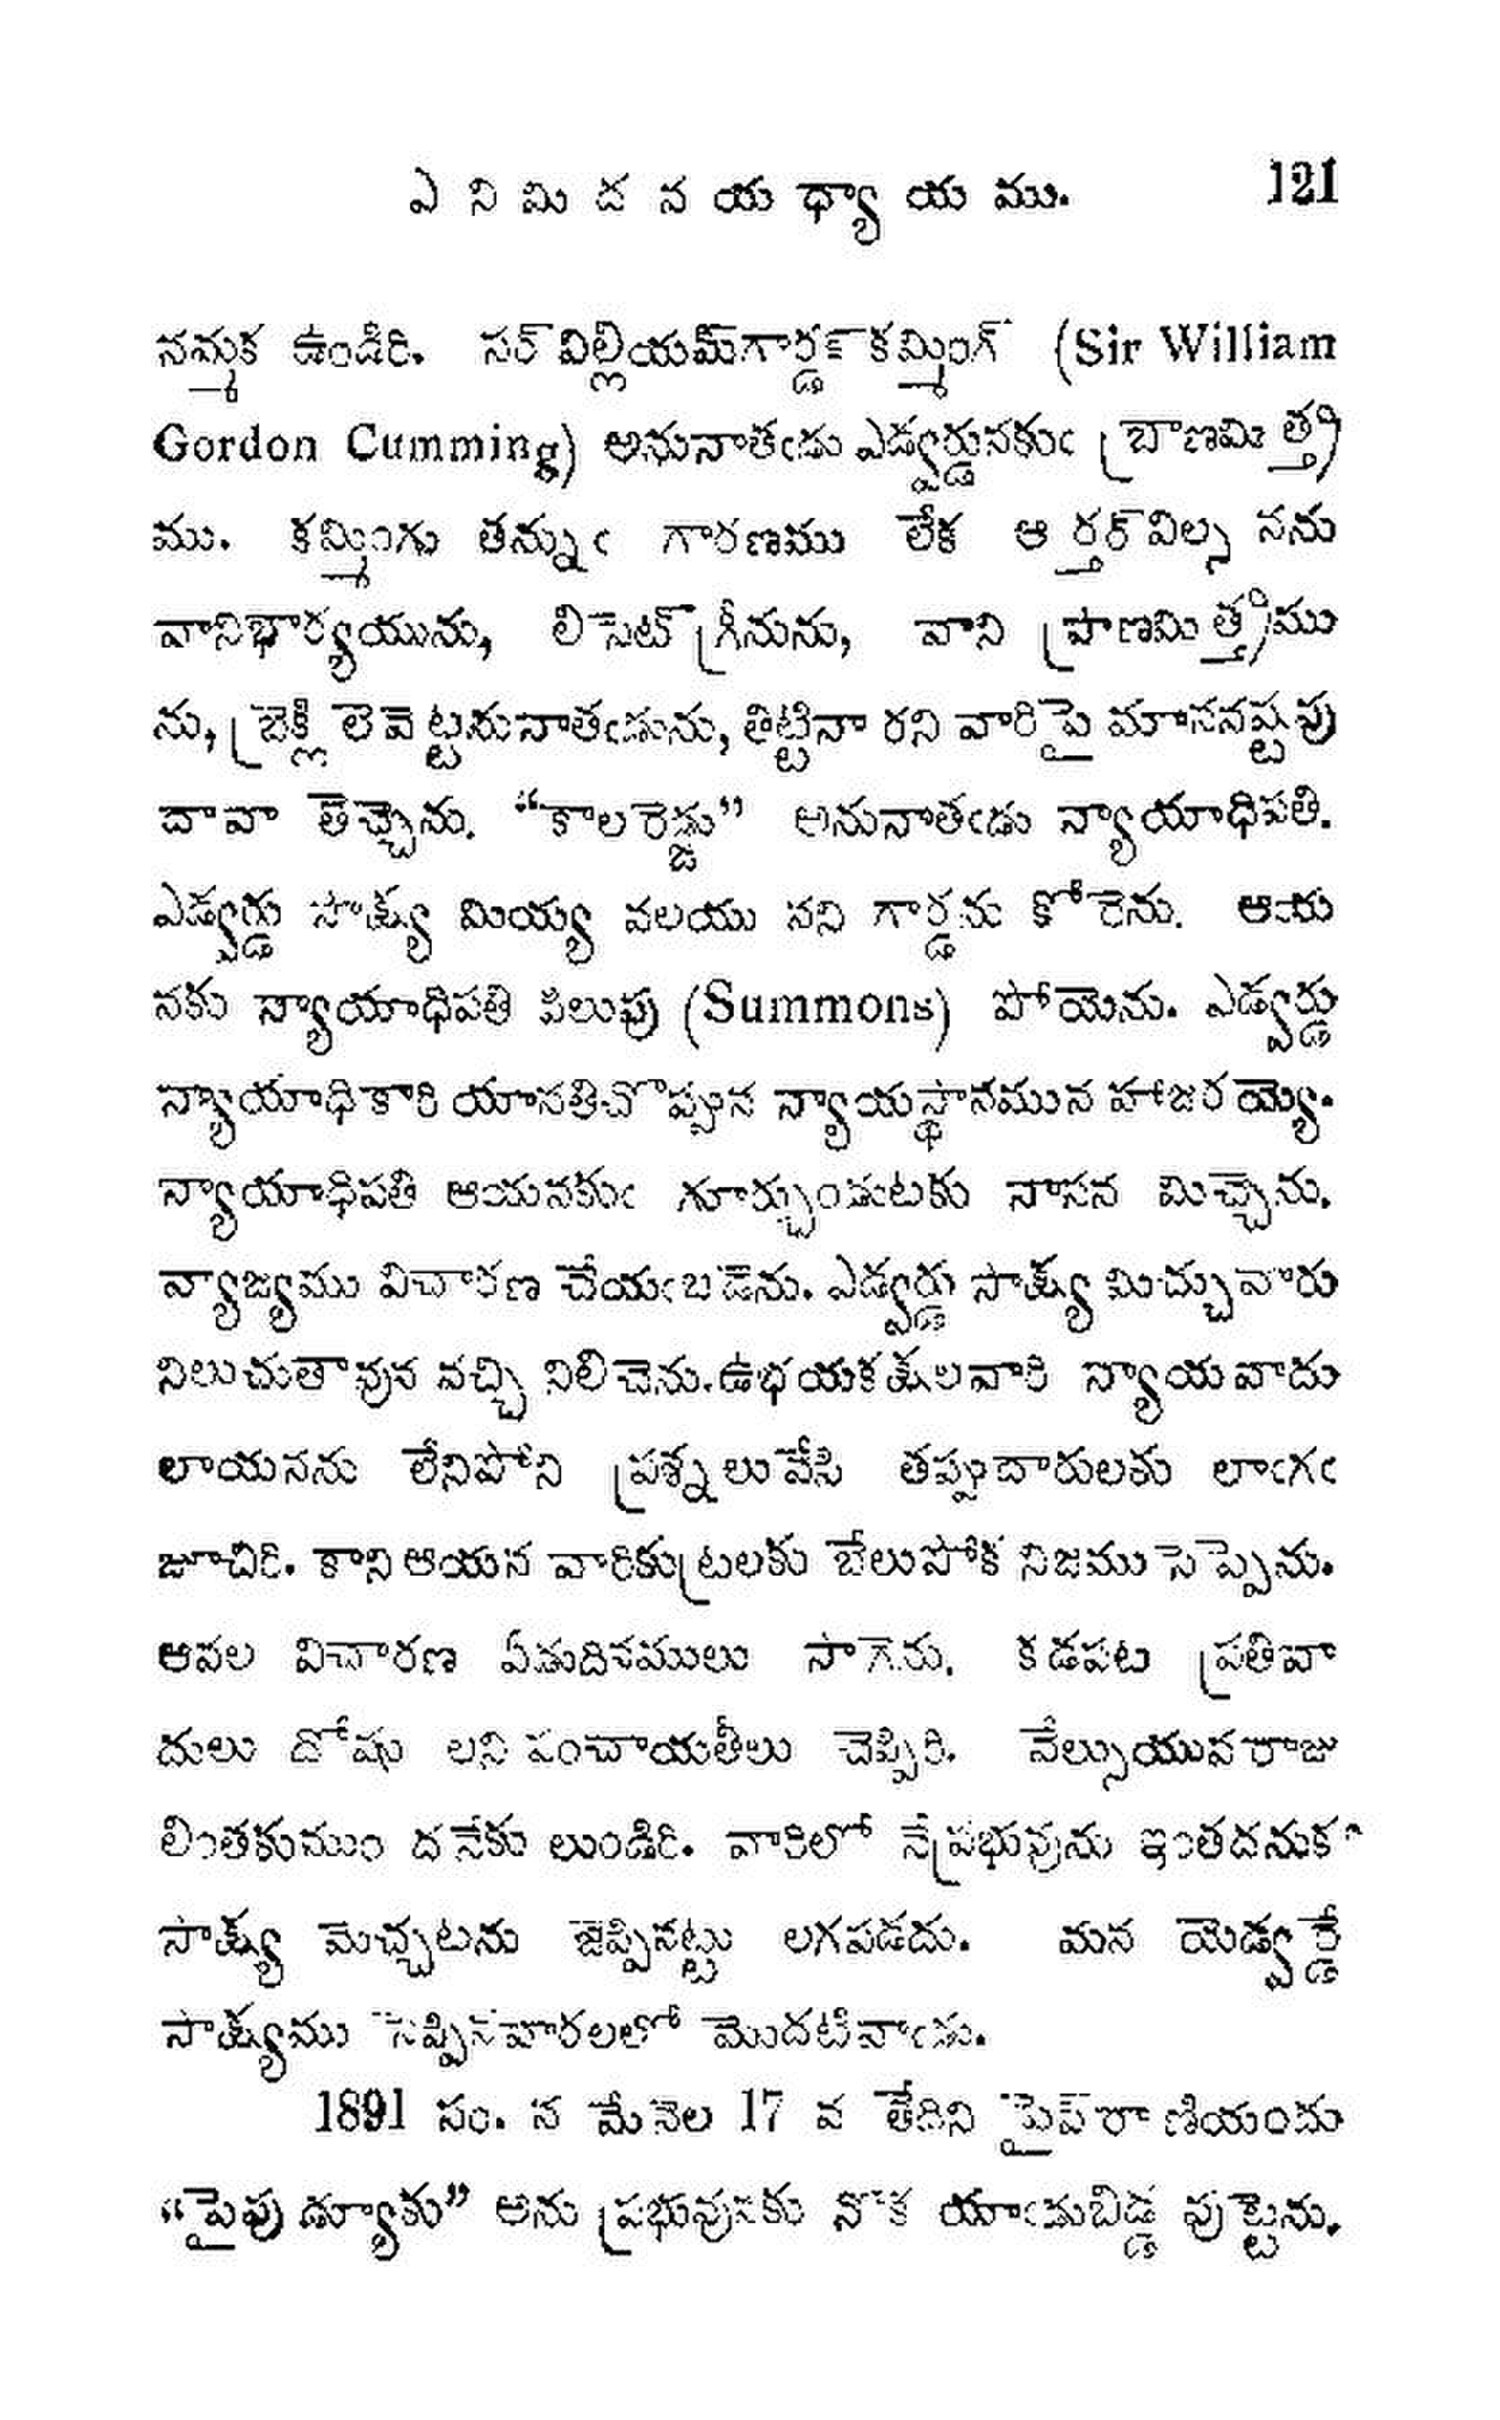నమ్మక ఉండిరి. సర్ విల్లియమ్ గార్డన్ కమ్మింగ్ (Sir William Gordon Cumming) అనునాతడు ఎడ్వర్డునకుఁ బ్రాణమిత్త్ర ము. కమ్మింగు తన్నుఁ గారణము లేక ఆర్తర్ విల్ప నను వాని భార్యయును, లిసెట్ గ్రీనును, వాని ప్రాణమిత్త్రము ను, బైక్లి లెవెట్టను నాతఁడును, తిట్టినా రని వారి పై మాననష్టపు దావా తెచ్చెను. “కాల రెడ్డు" అనునాతఁడు న్యాయాధిపతి. ఎడ్వర్డు సాక్ష్యమియ్య వలయు సని గార్డను కోరెను. ఆయ నకు న్యాయాధీపతి పిలుపు (Summons) పోయెను. ఎడ్వర్డు న్యాయాధికారి యాసతి చొప్పున న్యాయస్థానమున హాజరయ్యే. న్యాయాధిపతి ఆయనకుఁ గూర్చుండుటకు నాసన మిచ్చెను, వ్యాజ్యము విచారణ చేయఁబడెను. ఎడ్వర్లు సాక్ష్య మిచ్చు వారు నిలుచుతావున వచ్చి నిలిచెను.ఉభయకక్షులవారి న్యాయవాదు లాయనను లేనిపోని ప్రశ్నలు వేసి తప్పుదారులకు లాఁగఁ జూచిరి. కాని ఆయన వారికుట్రలకు బేలుపోక నిజము సెప్పెను. ఆవల విచారణ ఏడుదినములు సాగెను. కడపట ప్రతివా దులు దోషు లని పంచాయతీలు చెప్పిరి. వేల్సుయువ రాజు లింతకుముం దనేకు లుండిరి. వారిలో నే ప్రభువును ఇంతదనుక ఈ సాక్ష్య మెచ్చటను జెప్పినట్టు లగపడదు. మన యెడ్వర్దే సాక్ష్యము " సెప్పిన వారలలో మొదటివాడను.

1891 సం. న మే నెల 17 వ తేదీని "పెప్ రాణియందు " పైపు డ్యూకు” అను ప్రభువునకు నొక యాడుబిడ్డ పుట్టెను.